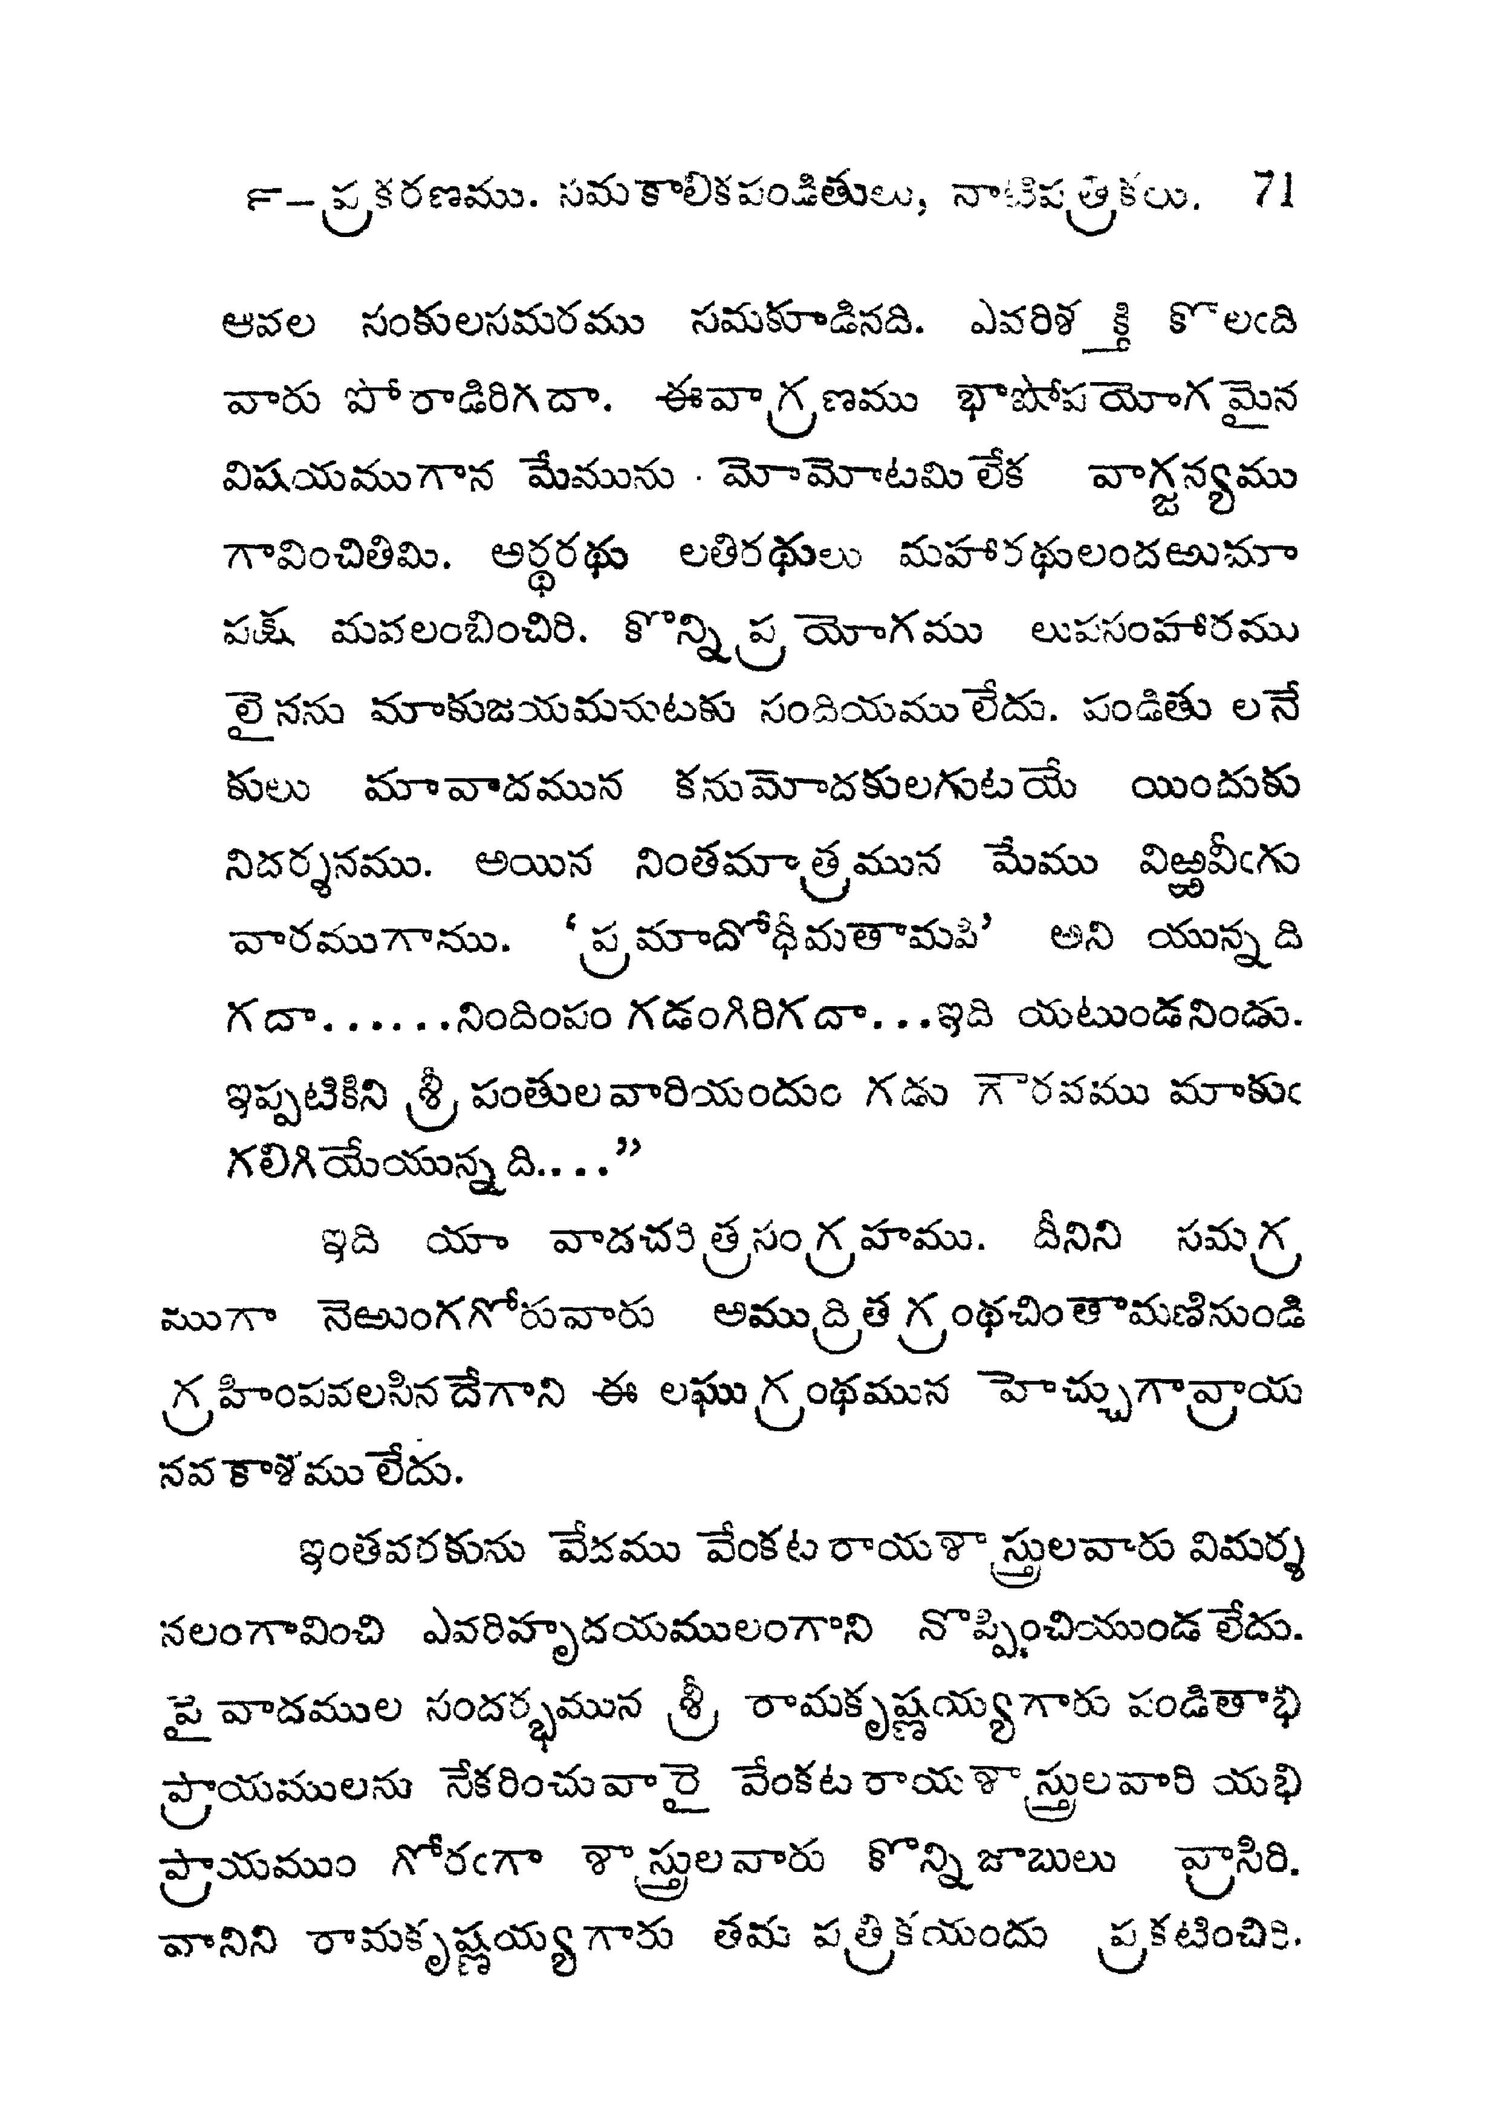ఆవల సంకులసమరము సమకూడినది. ఎవరిశక్తి కొలది వారు పోరాడిరిగదా. ఈవాగ్రణము భాషోపయోగమైన విషయముగాన మేమును మోమోటమిలేక వాగ్జన్యము గావించితిమి. అర్థరథు లతిరథులు మహారథులందఱు మాపక్ష మవలంబించిరి. కొన్నిప్రయోగము లుపసంహారములైనను మాకుజయమనుటకు సందియములేదు. పండితు లనేకులు మావాదమున కనుమోదకులగుటయే యిందుకు నిదర్శనము. అయిన నింతమాత్రమున మేము విఱ్ఱవీగువారముగాము. 'ప్రమాదోధీమతామపి' అని యున్నది గదా...... నిందింపం గడంగిరిగదా... ఇది యటుండనిండు. ఇప్పటికిని శ్రీ పంతులవారియందుం గడు గౌరవము మాకు గలిగియేయున్నది..."

ఇది యా వాదచరిత్రసంగ్రహము. దీనిని సమగ్రముగా నెఱుంగగోరువారు అముద్రితగ్రంథచింతామణినుండి గ్రహింపవలసినదేగాని ఈ లఘుగ్రంథమున హెచ్చుగావ్రాయ నవకాశములేదు.

ఇంతవరకును వేదము వేంకటరాయశాస్త్రులవారు విమర్శనలంగావించి ఎవరిహృదయములంగాని నొప్పించియుండలేదు. పైవాదముల సందర్భమున శ్రీ రామకృష్ణయ్యగారు పండితాభిప్రాయములను సేకరించువారై వేంకటరాయశాస్త్రులవారి యభిప్రాయముం గోరగా శాస్త్రులవారు కొన్నిజాబులు వ్రాసిరి. వానిని రామకృష్ణయ్యగారు తమ పత్రికయందు ప్రకటించిరి.